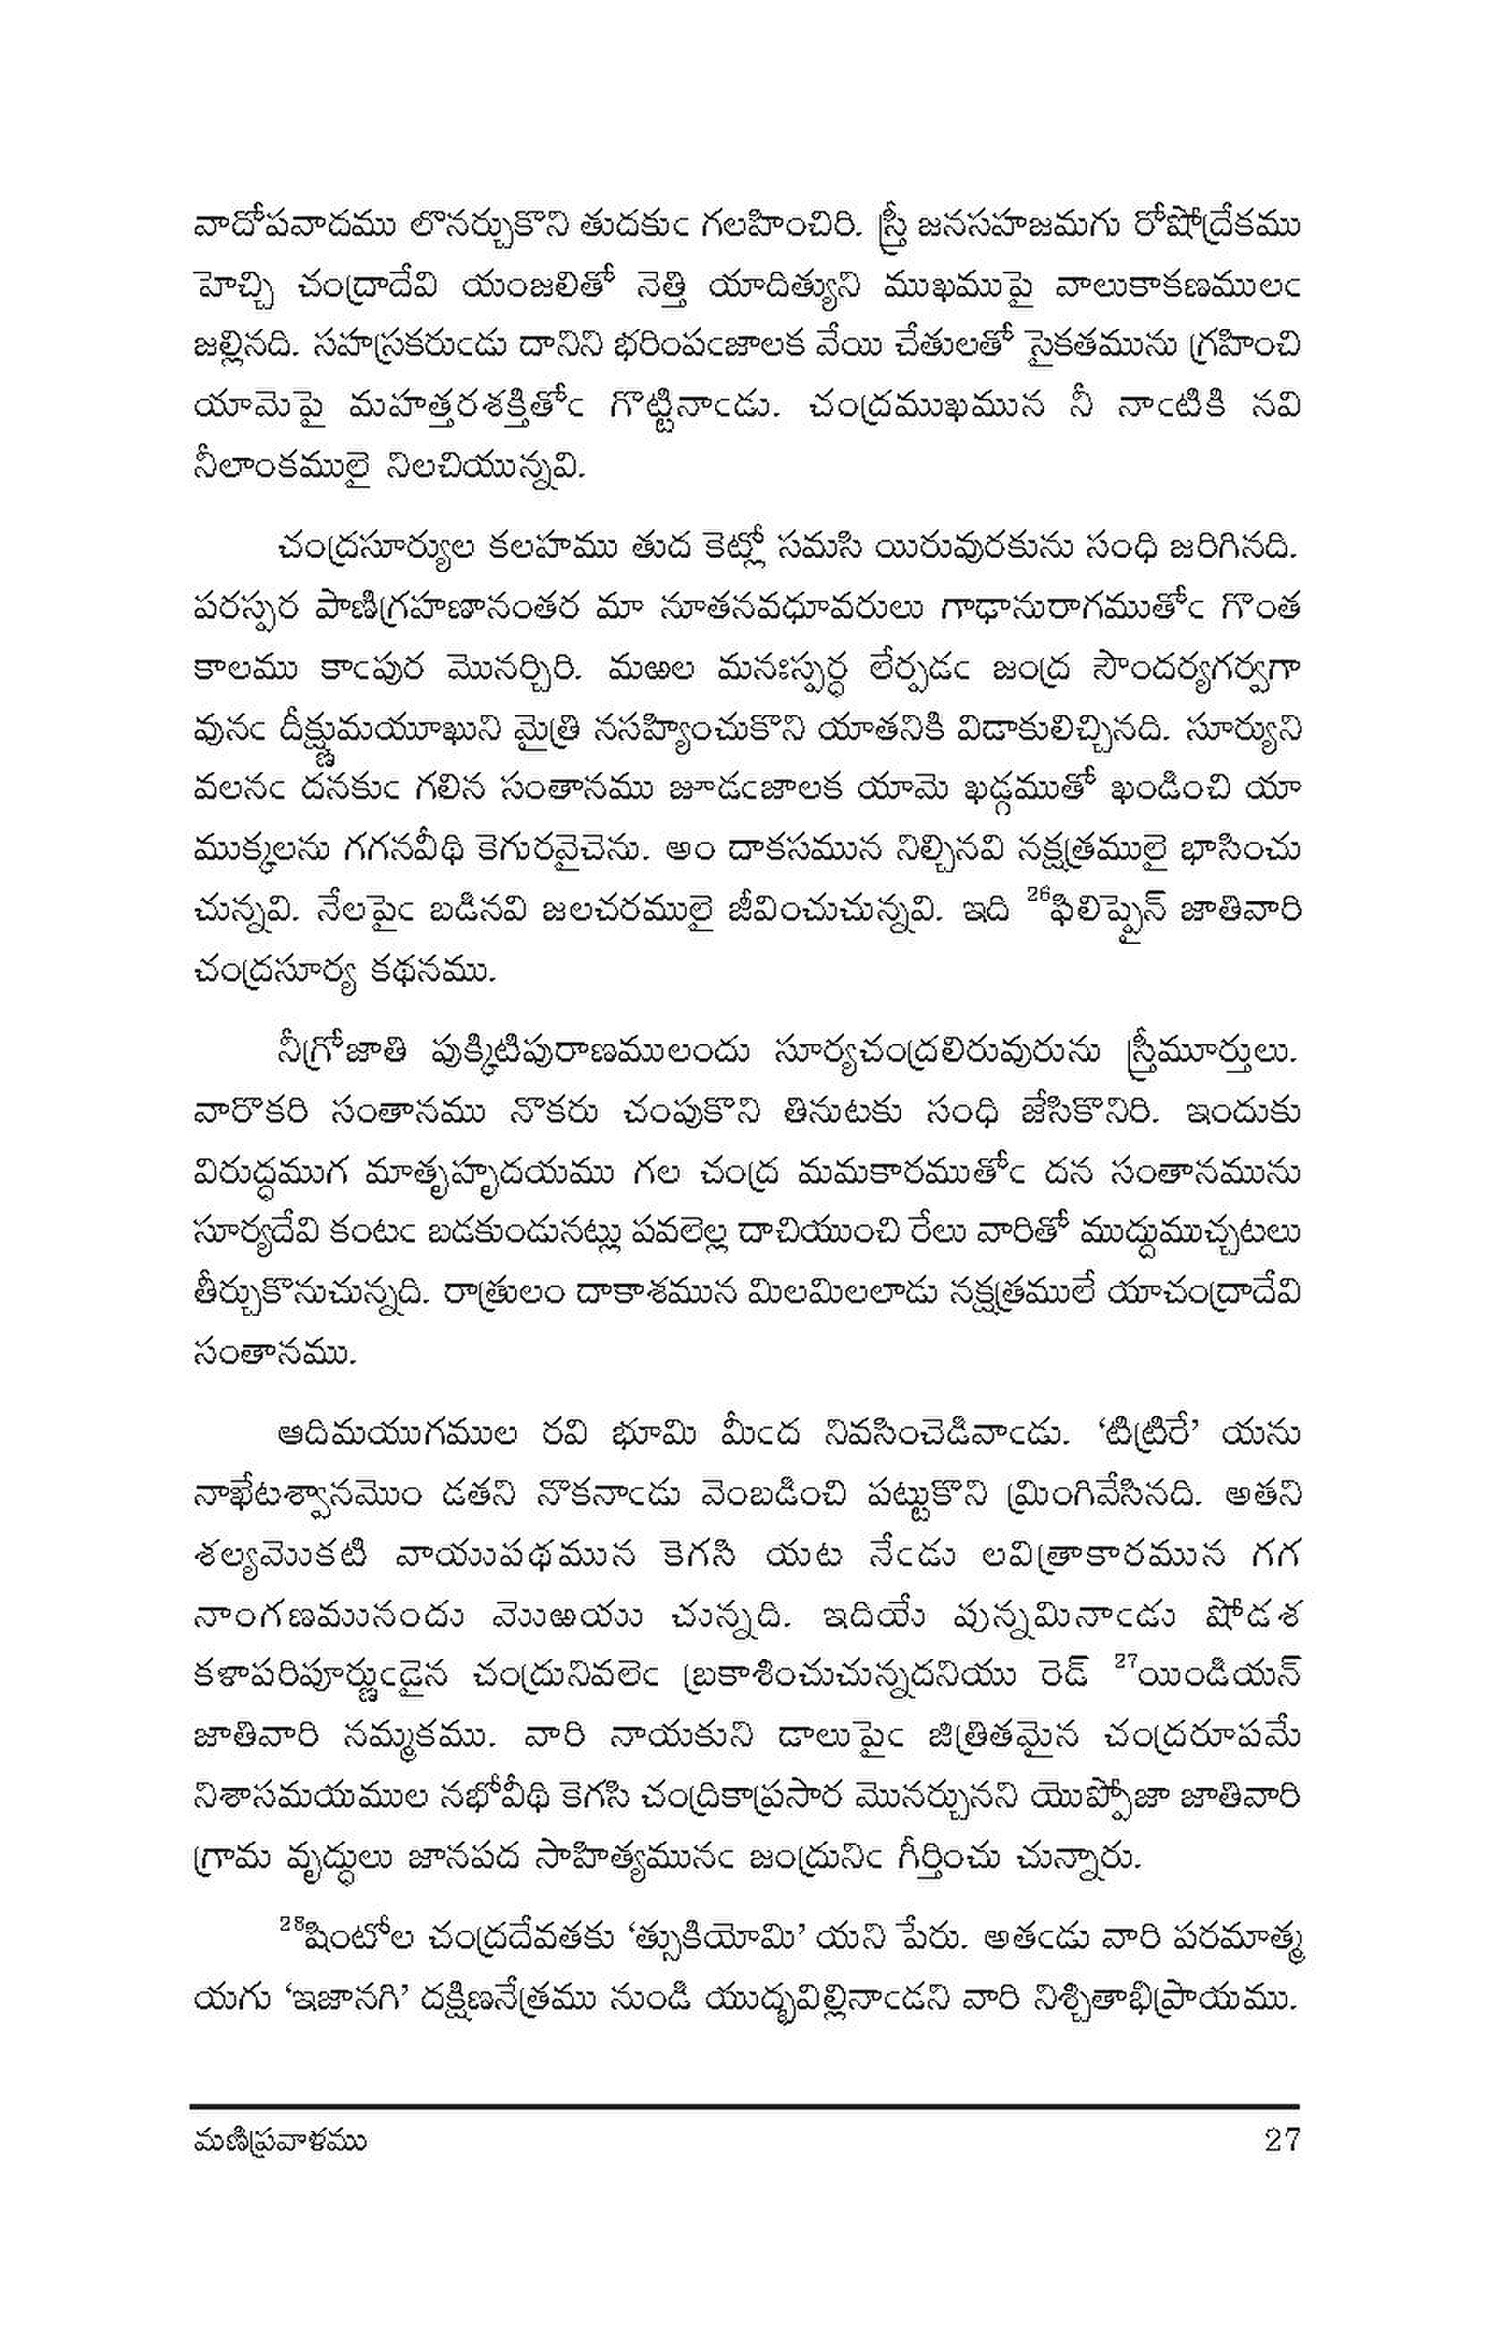వాదోపవాదము లొనర్చుకొని తుదకుఁ గలహించిరి. స్త్రీ జనసహజమగు రోషోద్రేకము
హెచ్చి చంద్రాదేవి యంజలితో నెత్తి యాదిత్యుని ముఖముపై వాలుకాకణములఁ
జల్లినది. సహస్రకరుఁడు దానిని భరింపఁజాలక వేయి చేతులతో సైకతమును గ్రహించి
యామెపై మహత్తరశక్తితోఁ గొట్టినాఁడు. చంద్రముఖమున నీ నాఁటికి నవి
నీలాంకములై నిలచియున్నవి.

చంద్రసూర్యుల కలహము తుదకెట్లో సమసి యిరువురకును సంధి జరిగినది.
పరస్పర పాణిగ్రహణానంతర మా నూతనవధూవరులు గాఢానురాగముతోఁ గొంత
కాలము కాఁపుర మొనర్చిరి. మఱల మనఃస్పర్ధ లేర్పడఁ జంద్ర సౌందర్య గర్వగా
వునఁ దీక్ష్ణుమయూఖుని మైత్రి నసహ్యించుకొని యాతనికి విడాకులిచ్చినది. సూర్యుని
వలనఁ దనకుఁ గలిన సంతానము జూడఁజాలక యామె ఖడ్గముతో ఖండించి యా
ముక్కలను గగనవీథి కెగురవైచెను. అందాకసమున నిల్చినవి నక్షత్రములై భాసించు
చున్నవి. నేలపైఁ బడినవి జలచరములై జీవించుచున్నవి. ఇది ఫిలిప్పైన్ జాతివారి
చంద్రసూర్య కథనము.

నీగ్రోజాతి పుక్కిటి పురాణములందు సూర్యచంద్రలిరువురును స్త్రీమూర్తులు.
వారొకరి సంతానము నొకరు చంపుకొని తినుటకు సంధి జేసికొనిరి. ఇందుకు
విరుద్ధముగ మాతృహృదయము గల చంద్ర మమకారముతోఁ దన సంతానమును
సూర్యదేవి కంటఁ బడకుండునట్లు పవలెల్ల దాచియుంచి రేలు వారితో ముద్దుముచ్చటలు
తీర్చుకొనుచున్నది. రాత్రులం దాకాశమున మిలమిలలాడు నక్షత్రములే యాచంద్రాదేవి
సంతానము.
ఆదిమయుగముల రవి భూమి మీఁద నివసించెడివాఁడు. 'టిట్రిరే' యను
నాఖేటశ్వానమొం డతని నొకనాఁడు వెంబడించి పట్టుకొని మ్రింగివేసినది. అతని
శల్యమొకటి వాయుపథమున కెగసి యట నేఁడు లవిత్రాకారమున గగ
నాంగణమునందు మొఱయు చున్నది. ఇదియే వున్నమినాఁడు షోడశ
కళాపరిపూర్ణుఁడైన చంద్రునివలెఁ బ్రకాశించుచున్నదనియు రెడ్ యిండియన్
జాతివారి నమ్మకము. వారి నాయకుని డాలు పైఁ జిత్రితమైన చంద్రరూపమే
నిశాసమయముల నభోవీథి కెగసి చంద్రికాప్రసార మొనర్చునని యొప్పోజా జాతివారి
గ్రామ వృద్ధులు జానపద సాహిత్యమునఁ జంద్రునిఁ గీర్తించు చున్నారు.

షింటోల చంద్రదేవతకు 'త్సుకియోమి' యని పేరు. అతఁడు వారి పరమాత్మ
యగు 'ఇజానగి' దక్షిణనేత్రము నుండి యుద్భవిల్లినాఁడని వారి నిశ్చితాభిప్రాయము.